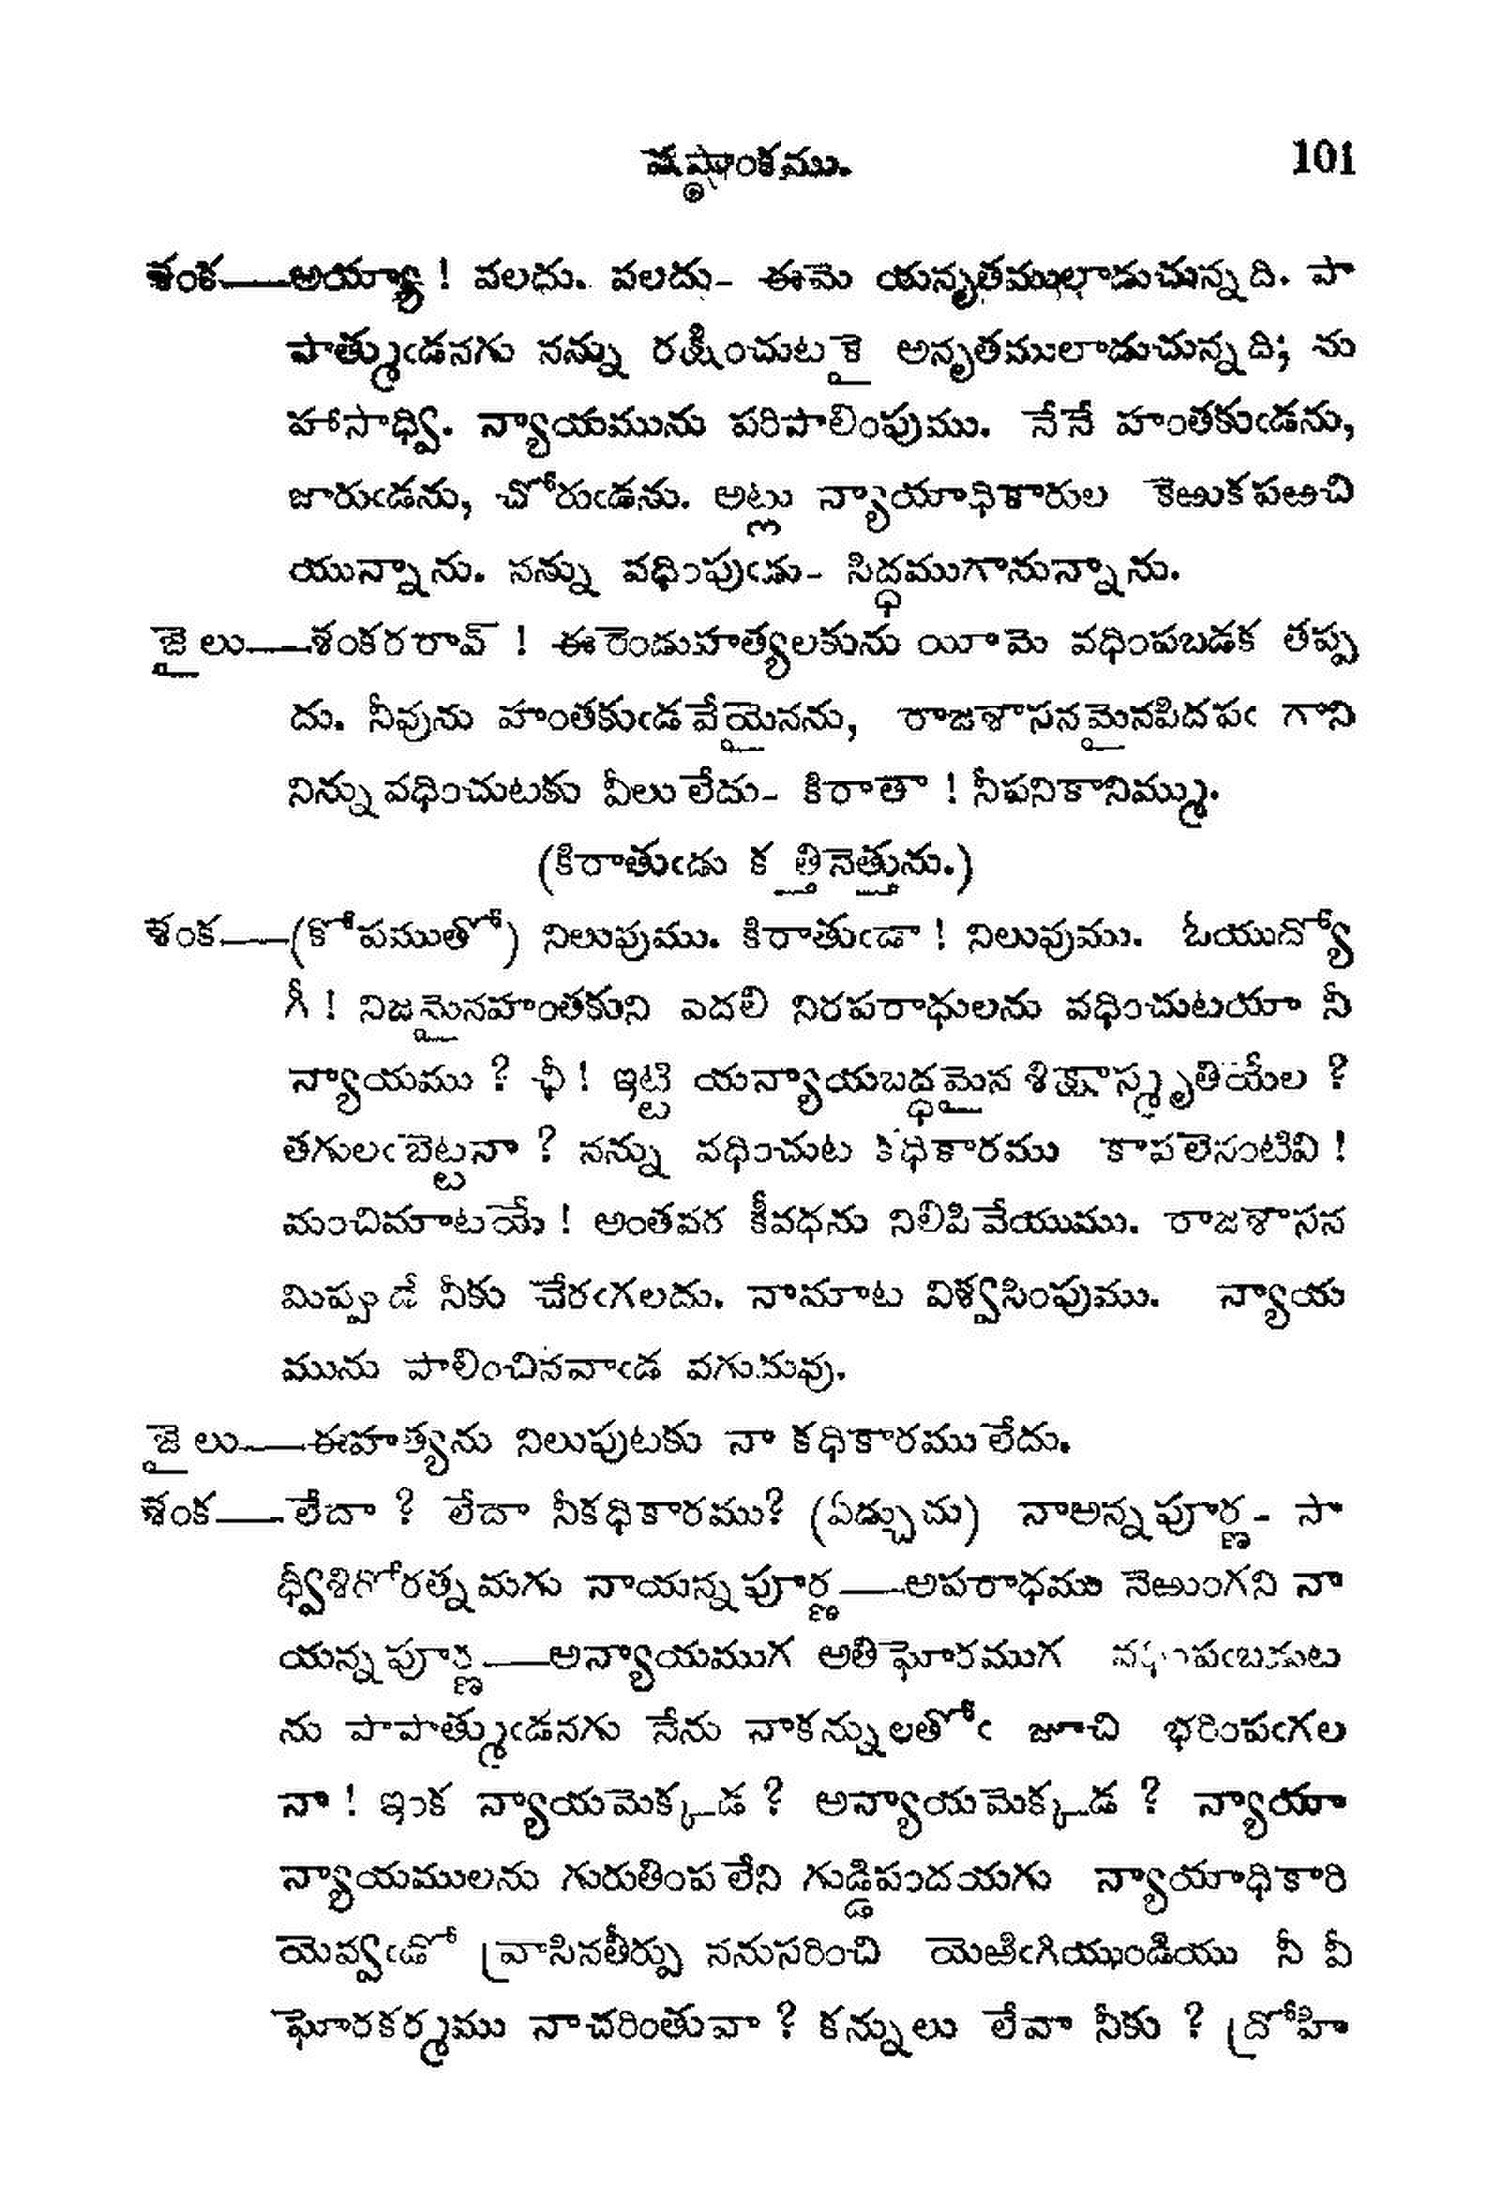శంక - అయ్యా ! వలదు. వలదు. ఈమే యనృతములాడుచున్నది. పాపాత్ముఁడనగు నన్ను రక్షించుటకై అనృతములాడుచున్నది; మహాసాధ్వి. న్యాయమును పరిపాలింపుము. నేనే హంతకుఁడను, జారుఁడను, చోరుఁడను. అట్లు న్యాయాధికారుల కెఱుకపఱచి యున్నాను. నన్ను వధింపుఁడు- సిద్ధముగానున్నాను.

జైలు - శంకరరావ్ ! ఈరెండుహత్యలకును యీమె వధింపబడక తప్పదు. నీవును హంతకుఁడవేయైనను, రాజశాసనమైనపిదపఁ గాని నిన్ను వధించుటకు వీలులేదు. కిరాతా ! నీపనికానిమ్ము,

శంక - (కోపముతో) నిలుపుము. కిరాతుఁడా ! నిలువుము. ఓయుద్యోగీ! నిజమైనహంతకుని వదలి నిరపరాధులను వధించుటయా నీ న్యాయము ? ఛీ ! ఇట్టి యన్యాయబద్ధమైన శిక్షాస్మృతియేల ?
తగులఁబెట్టనా ? నన్ను వధించుట కధికారము కావలెసంటివి ! మంచిమాటయే ! అంతవర కీవధను నిలిపివేయుము. రాజశాసన మిప్పుడే నీకు చేరఁగలదు. నామాట విశ్వసింపుము. న్యాయమును పాలించినవాఁడ వగుదువు.

జైలు - ఈహత్యను నిలుపుటకు నా కధికారములేదు.

శంక - లేదా ? లేదా నీకధికారము? (ఏడ్చుచు) నాఅన్నపూర్ణ - సాధ్వీశిరోరత్నమగు నాయన్నపూర్ణ - అపరాధము నెఱుంగని నాయన్నపూర్ణ — అన్యాయముగ అతిఘోరముగ వధింపఁబడుటను పాపాత్ముఁడనగు నేను నాకన్నులతోఁ జూచి భరింపఁగలనా ! ఇంక న్యాయమెక్కడ? అన్యాయమెక్కడ ? న్యాయా న్యాయములను గురుతింపలేని గుడ్డిపందయగు న్యాయాధికారి యెవ్వఁడో వ్రాసినతీర్పు ననుసరించి యెఱిఁగియుండియు నీ వీ ఘోరకర్మము నాచరింతువా ? కన్నులు లేవా నీకు ? ద్రోహి